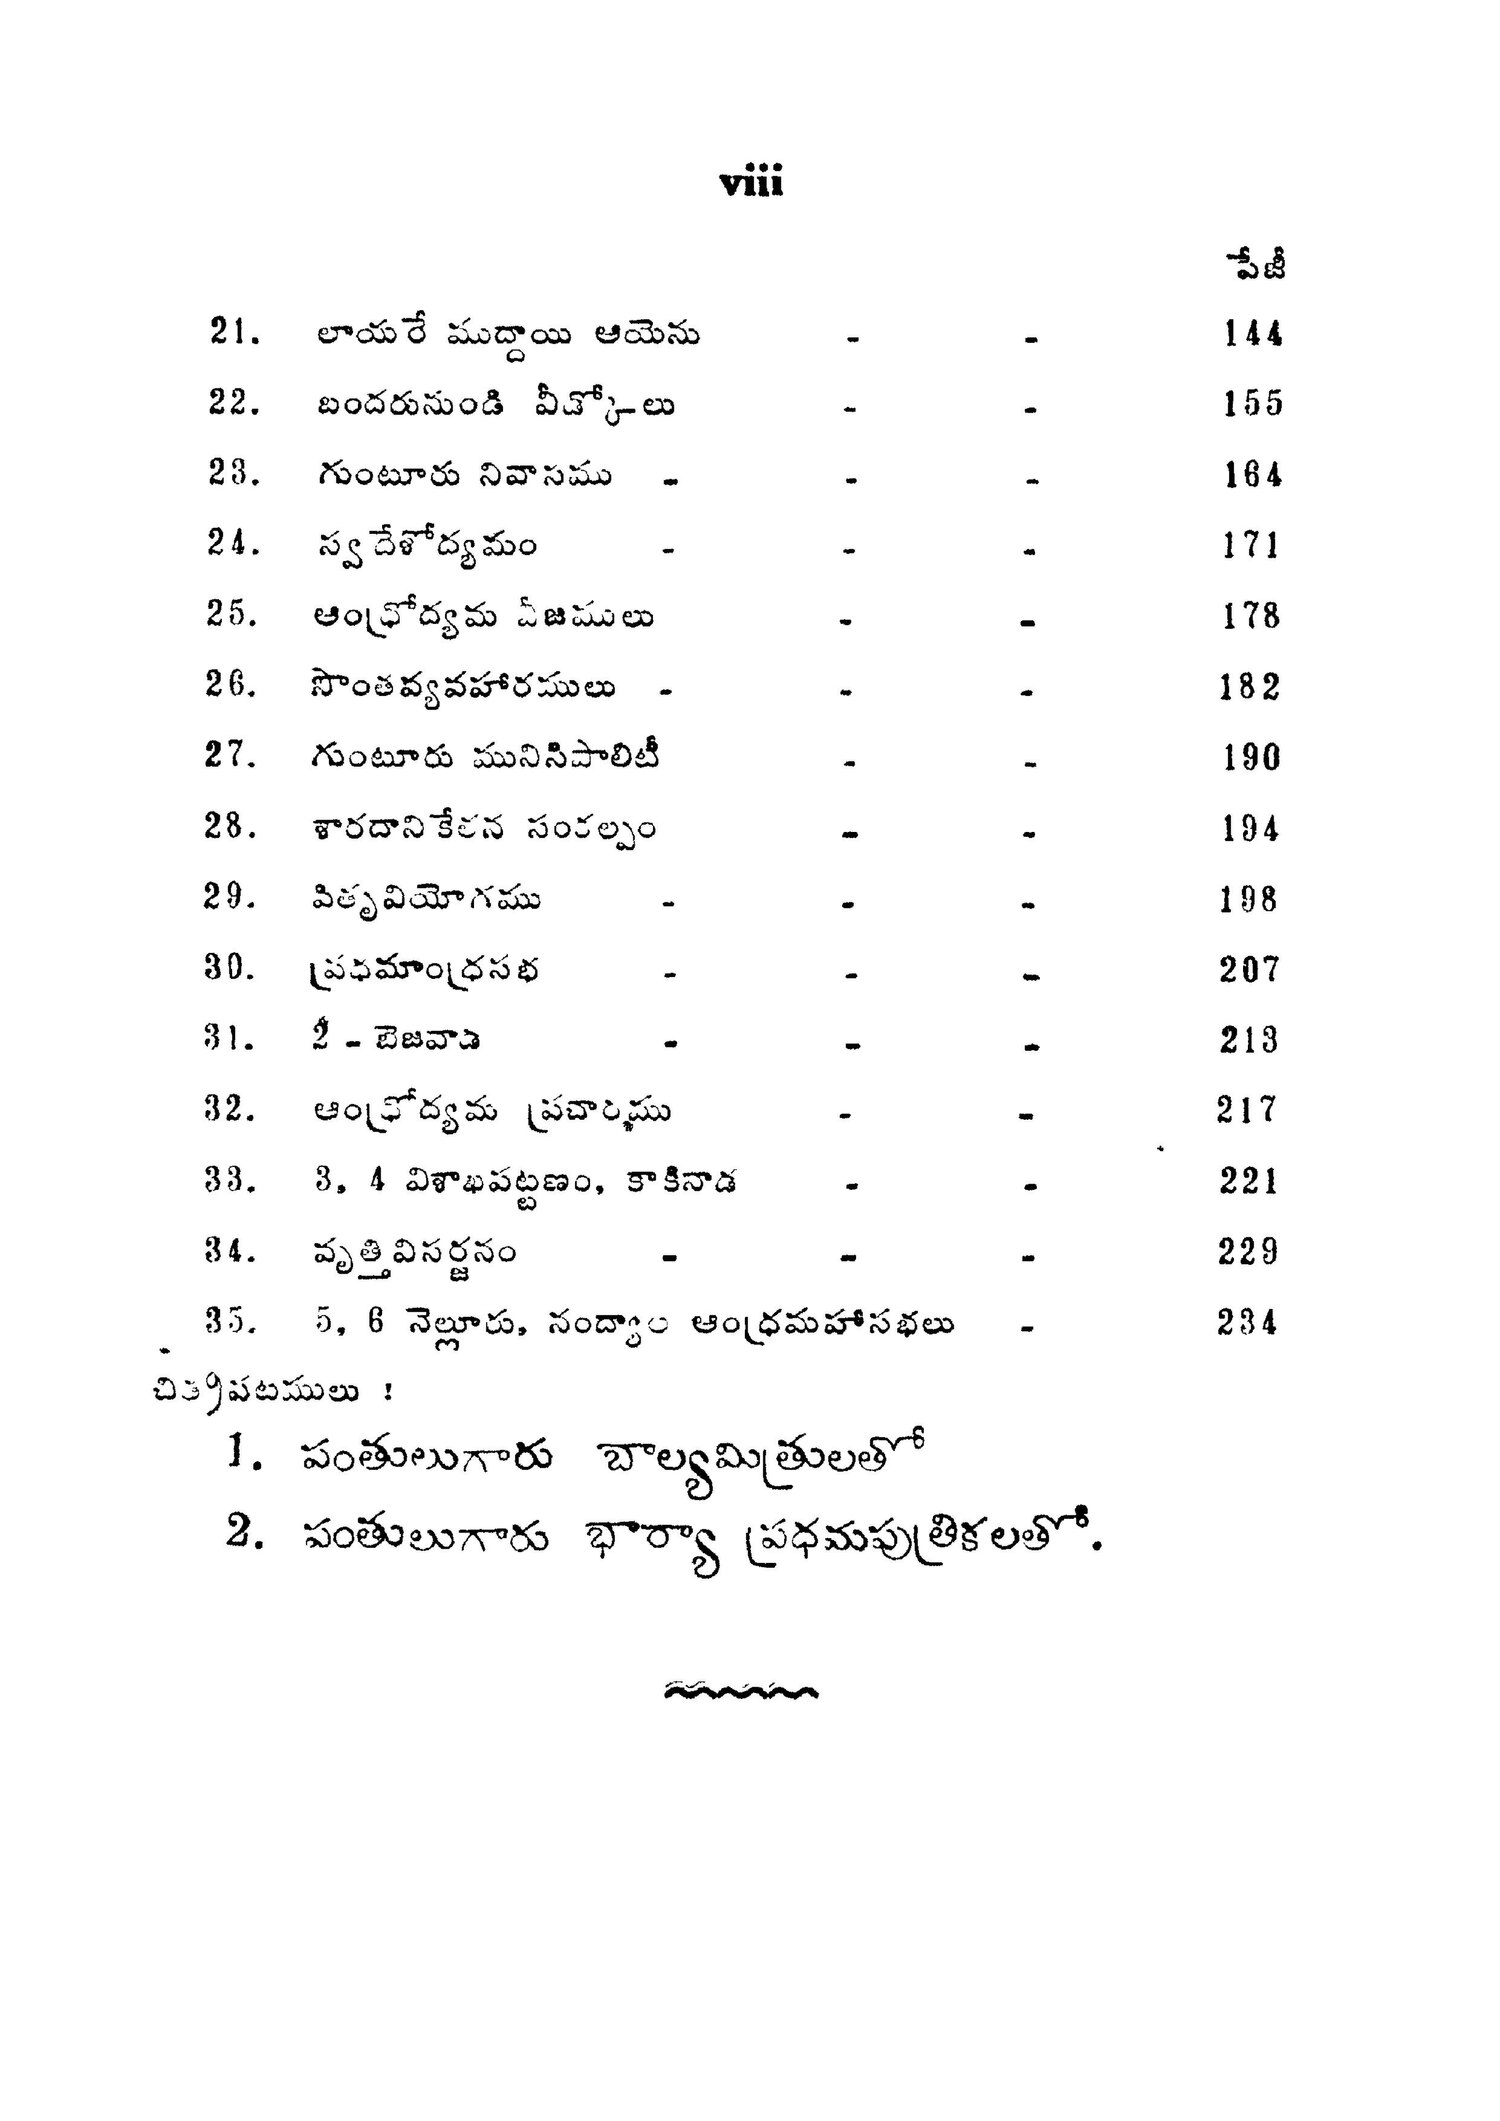చిత్రపటములు :

1. పంతులుగారు బాల్యమిత్రులతో

2. పంతులుగారు భార్యా ప్రథమపుత్రికలతో.